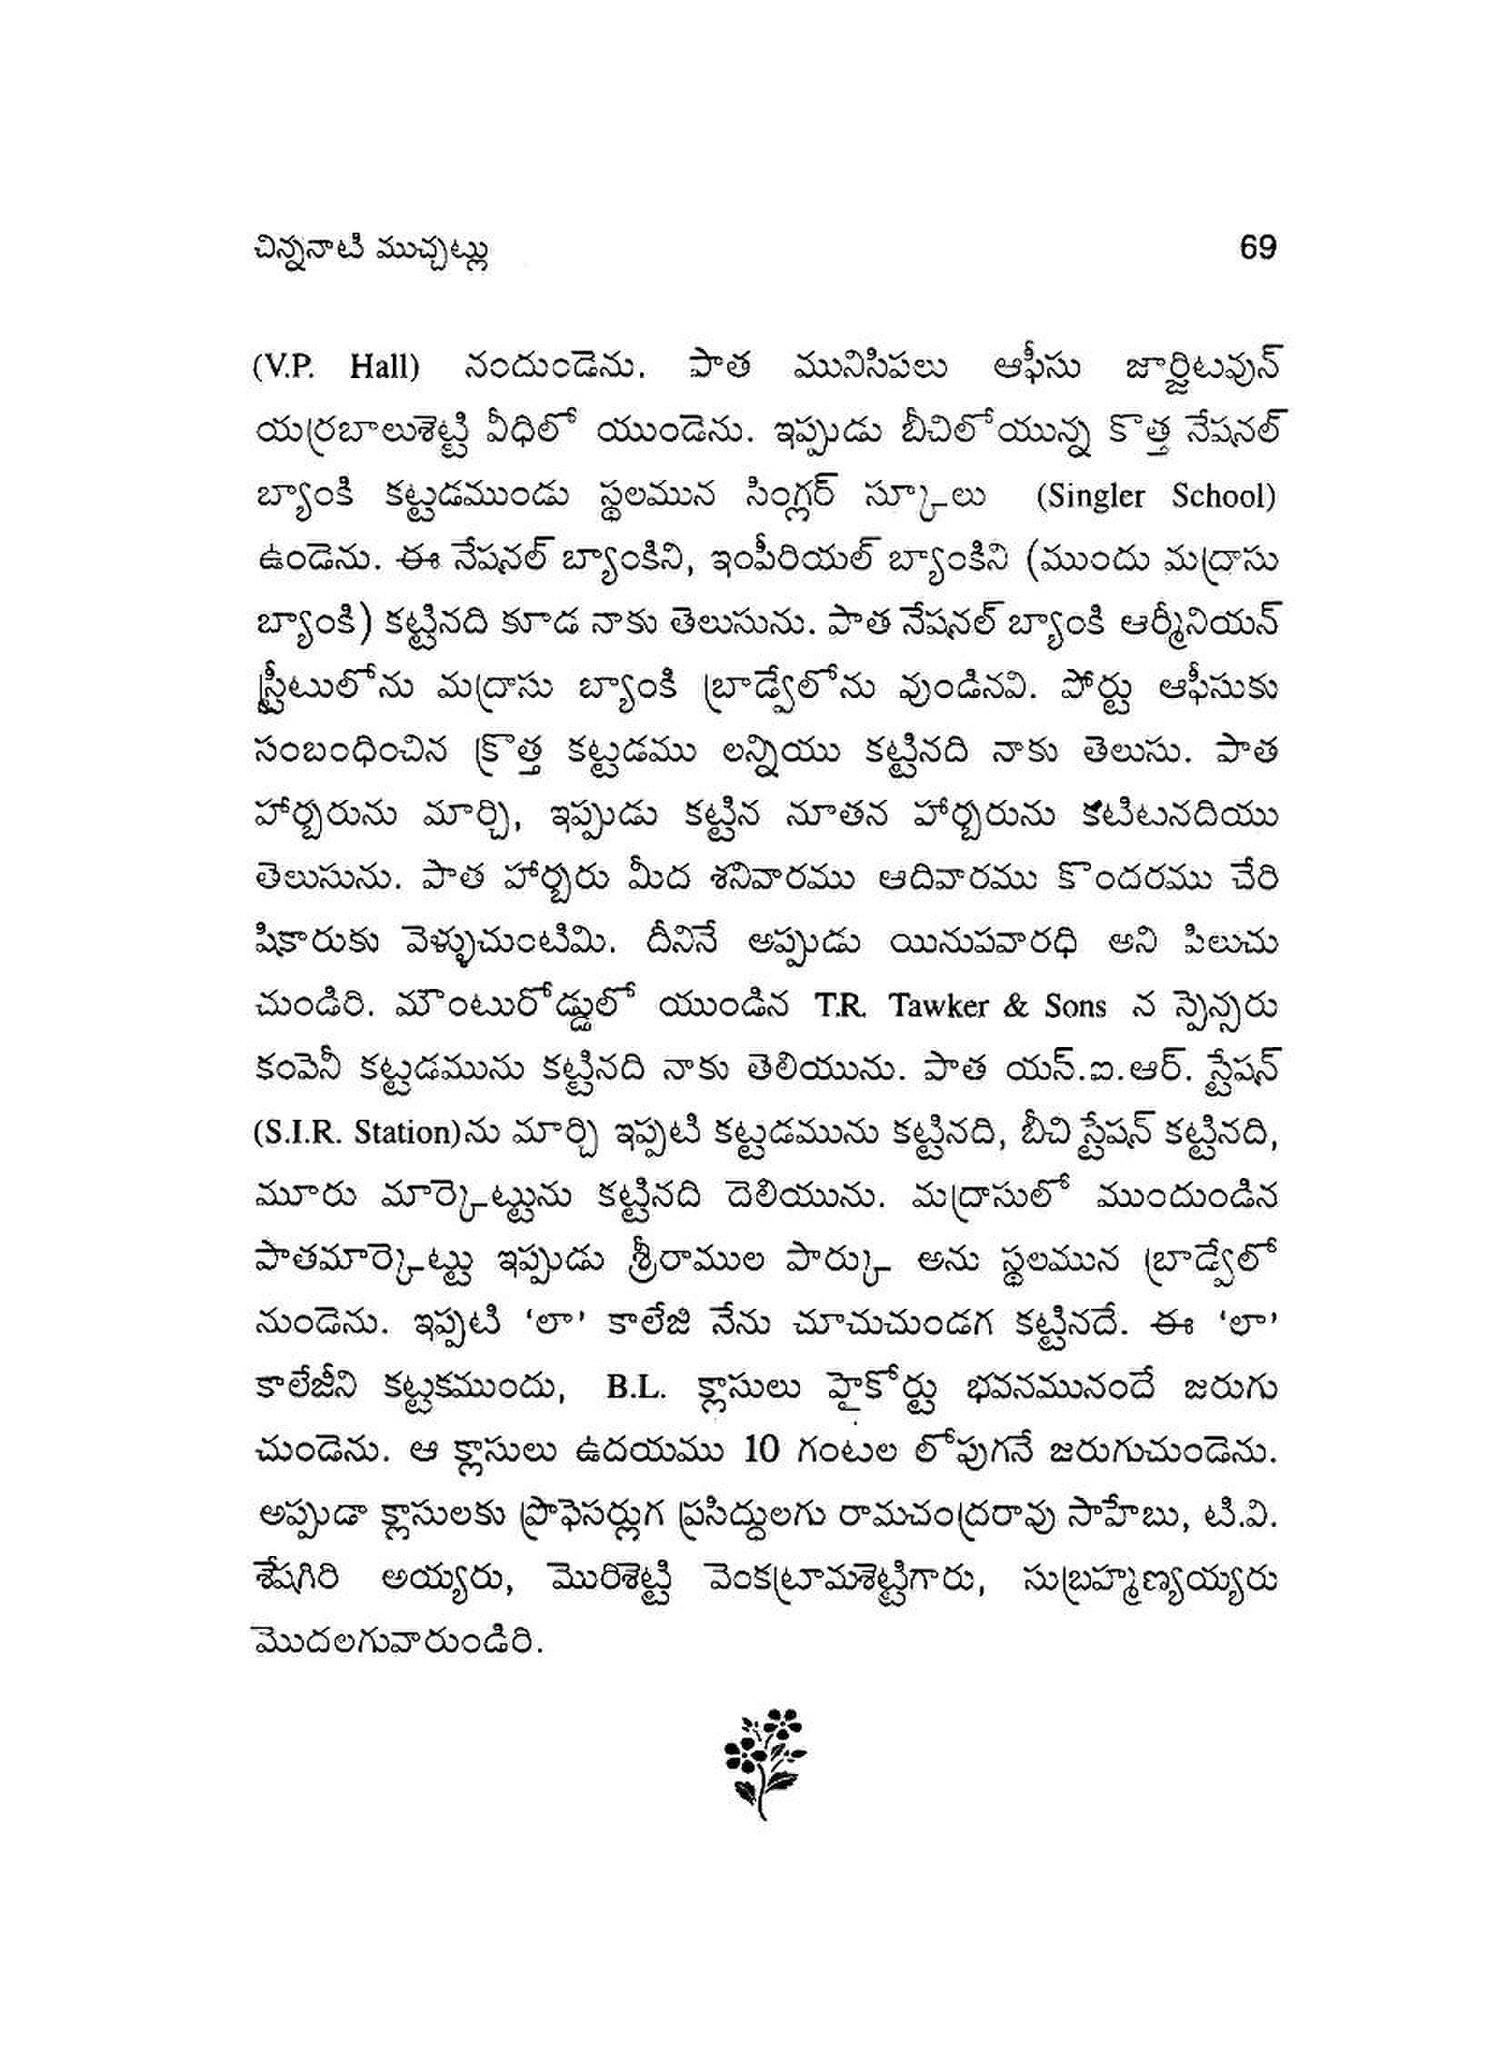(V.P. Hall) నందుండెను. పాత మునిసిపలు ఆఫీసు జార్జిటవున్ యర్రబాలుశెట్టి వీధిలో యుండెను. ఇప్పడు బీచిలో యున్న కొత్త నేషనల్ బ్యాంకి కట్టడముండు స్థలమున (Singler School) ఉండెను. ఈ నేషనల్ బ్యాంకిని, ఇంపీరియల్ బ్యాంకిని (ముందు మద్రాసు బ్యాంకి) కట్టినది కూడ నాకు తెలుసును. పాత నేషనల్ బ్యాంకి ఆర్మీనియన్ స్ట్రీటులోను మద్రాసు బ్యాంకి బ్రాడ్వేలోను వుండినవి. పోర్టు ఆఫీసుకు సంబంధించిన క్రొత్త కట్టడము లన్నియు కట్టినది నాకు తెలుసు. పాత హార్బరును మార్చి, ఇప్పడు కట్టిన నూతన హార్బరును కట్టినదియు తెలుసును. పాత హార్బరు మీద శనివారము ఆదివారము కొందరము చేరి పికారుకు వెళ్ళుచుంటిమి. దీనినే అప్పడు యినుపవారధి అని పిలుచు చుండిరి. మౌంటురోడ్డులో యుండిన T.R. Tawker & Sons న స్పెన్సరు కంపెనీ కట్టడమును కట్టినది నాకు తెలియును. పాత యస్.ఐ.ఆర్. స్టేషన్ (S.I.R. Station)ను మార్చి ఇప్పటి కట్టడమును కట్టినది, బీచి స్టేషన్ కట్టినది, మూరు మార్కెట్టును కట్టినది దెలియును. మద్రాసులో ముందుండిన పాతమార్కెట్టు ఇప్పుడు శ్రీరాముల పార్కు అను స్థలమున బ్రాడ్వేలో నుండెను. ఇప్పటి 'లా' కాలేజి నేను చూచుచుండగ కట్టినదే. ఈ 'లా' కాలేజీని కట్టకముందు, B.L. క్లాసులు హైకోర్టు భవనమునందే జరుగుచుండెను. ఆ క్లాసులు ఉదయము 10 గంటల లోపుగనే జరుగుచుండెను. అప్పడా క్లాసులకు ప్రొఫెసర్లుగ ప్రసిద్దులగు రామచంద్రరావు సాహేబు, టి.వి. శేషగిరి అయ్యరు, మొరిశెట్టి వెంకట్రామశెట్టిగారు, సుబ్రహ్మణ్యయ్యరు మొదలగు వారుండిరి.